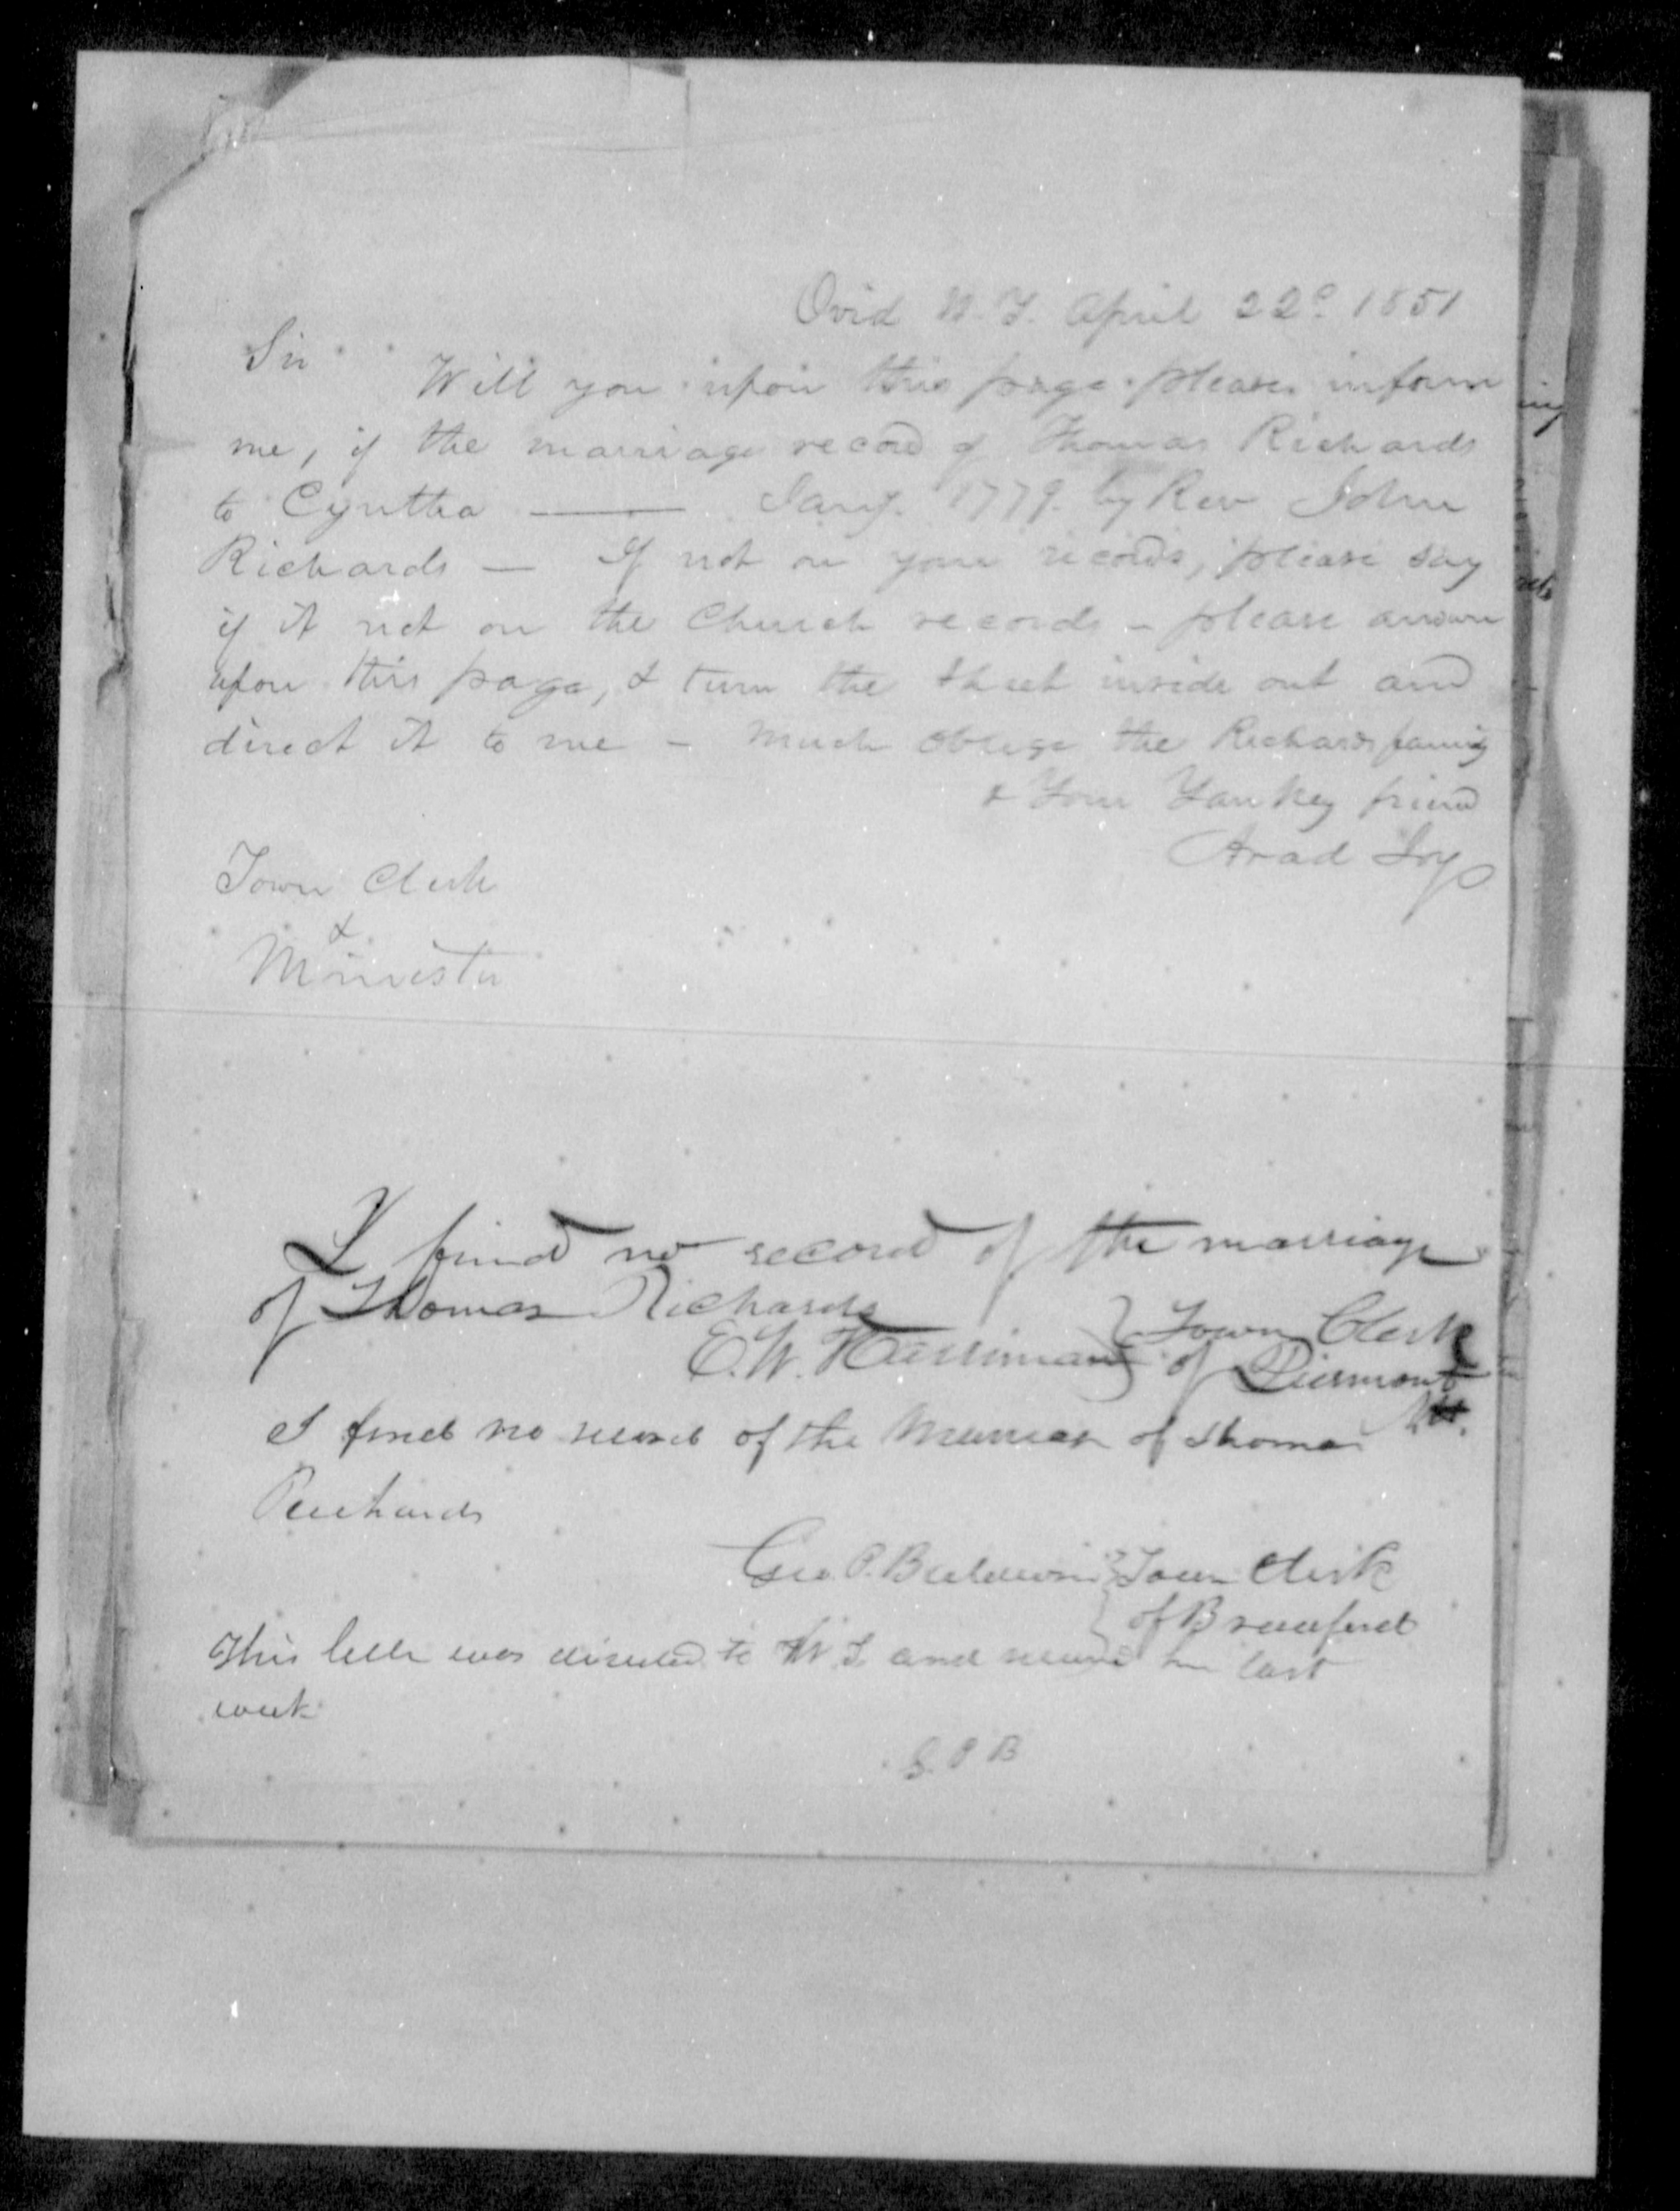Ovid N.Y. April 22d 1851
Sir
Will you upon this page please inform
me, if the marriage record of Thomas Richards
to Cynthia - Jany [JANUARY] 1779 by Rev [REVEREND] John Richards-- If not on your records, please say if not on the Church records-- please answer upon this page, & turn the sheet inside out and direct it to me-- Much oblige the Richards family & Your Yankey friend
Arad Joy
Town Clerk & Minister

I find no record of the marriage of Thomas Richards
E. W. Harriman} Town Clerk of Piermont
I find no record of the Marriage of Thomas
Richards
Geo [GEORGE] P Baldwin} Town Clerk of Bradford
This letter was directed to [illegible] and received him last week
G.PB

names: Thomas Richards; Geo P Baldwin; John Richards; Cyntha [BLANK]; Arad Joy; Thomas Richards; E W Harriman; Thomas Richards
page: 79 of 109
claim: widow's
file: W. 5709, for Thomas Richards, New Hampshire